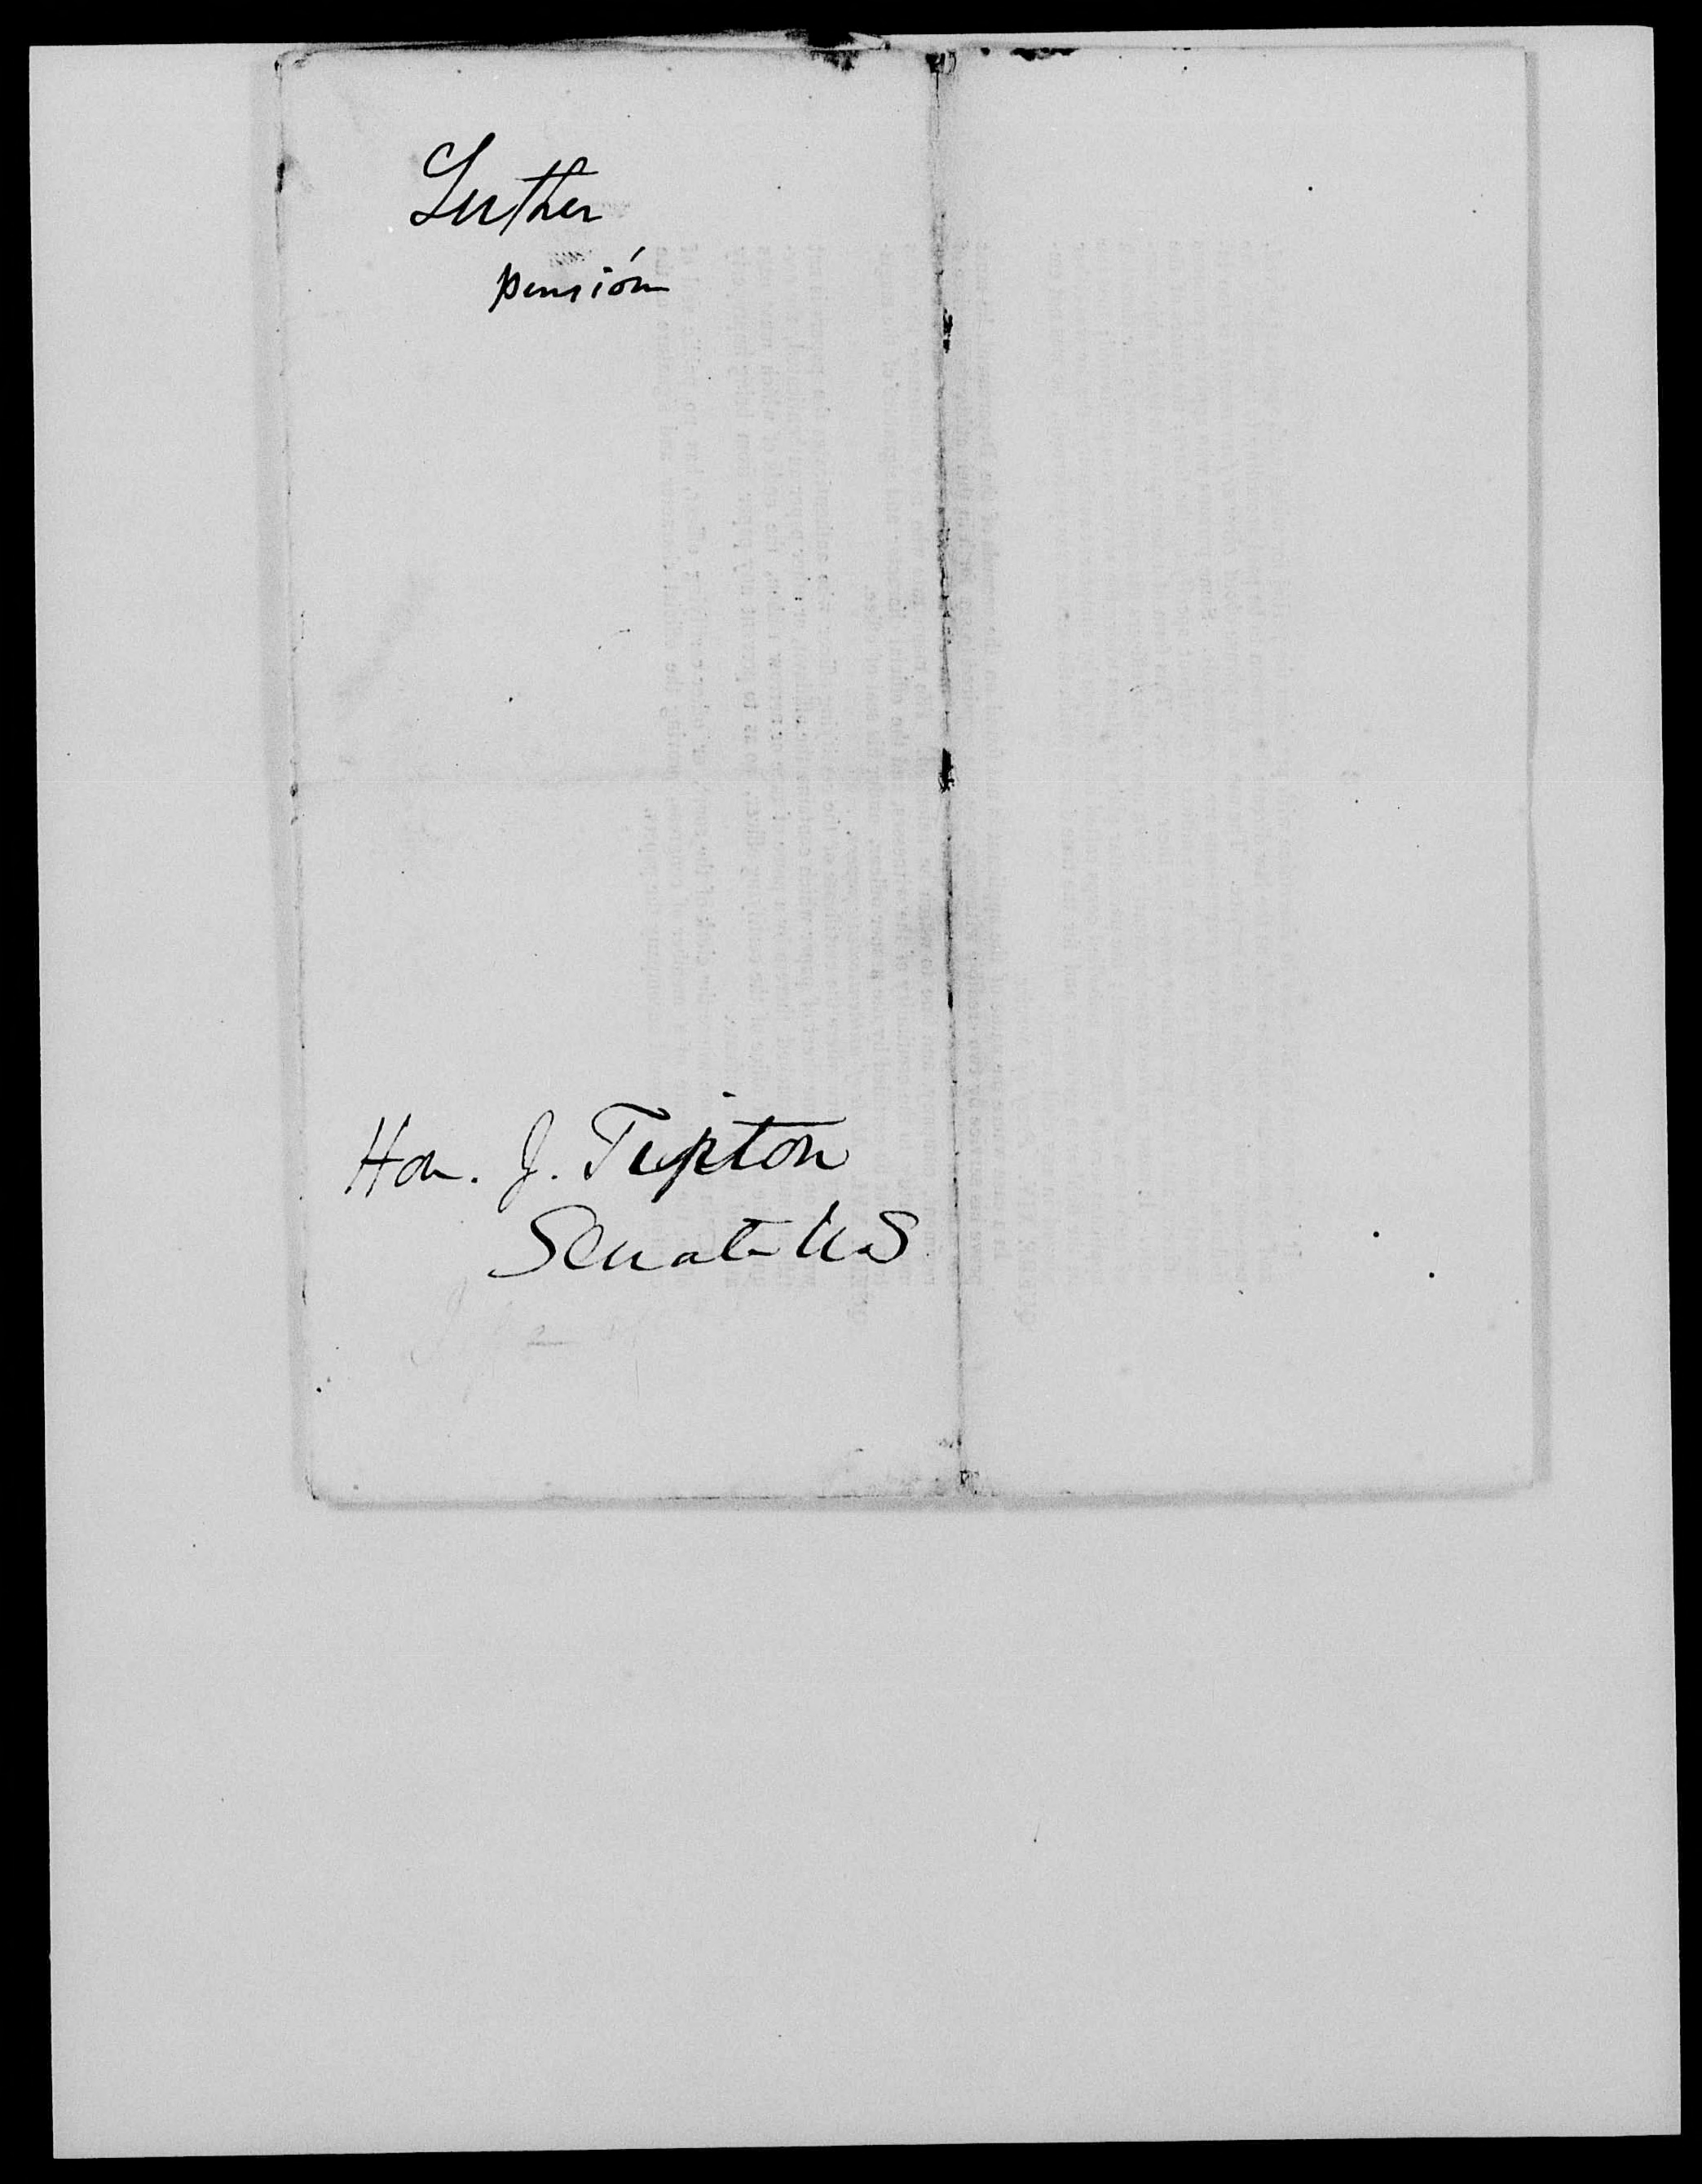Luther
Pension

Hon. J. Tipton
Senate US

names: J Tipton; [BLANK] Luther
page: 18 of 23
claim: rejected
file: R. 6533, for Jacob Luther, Maryland